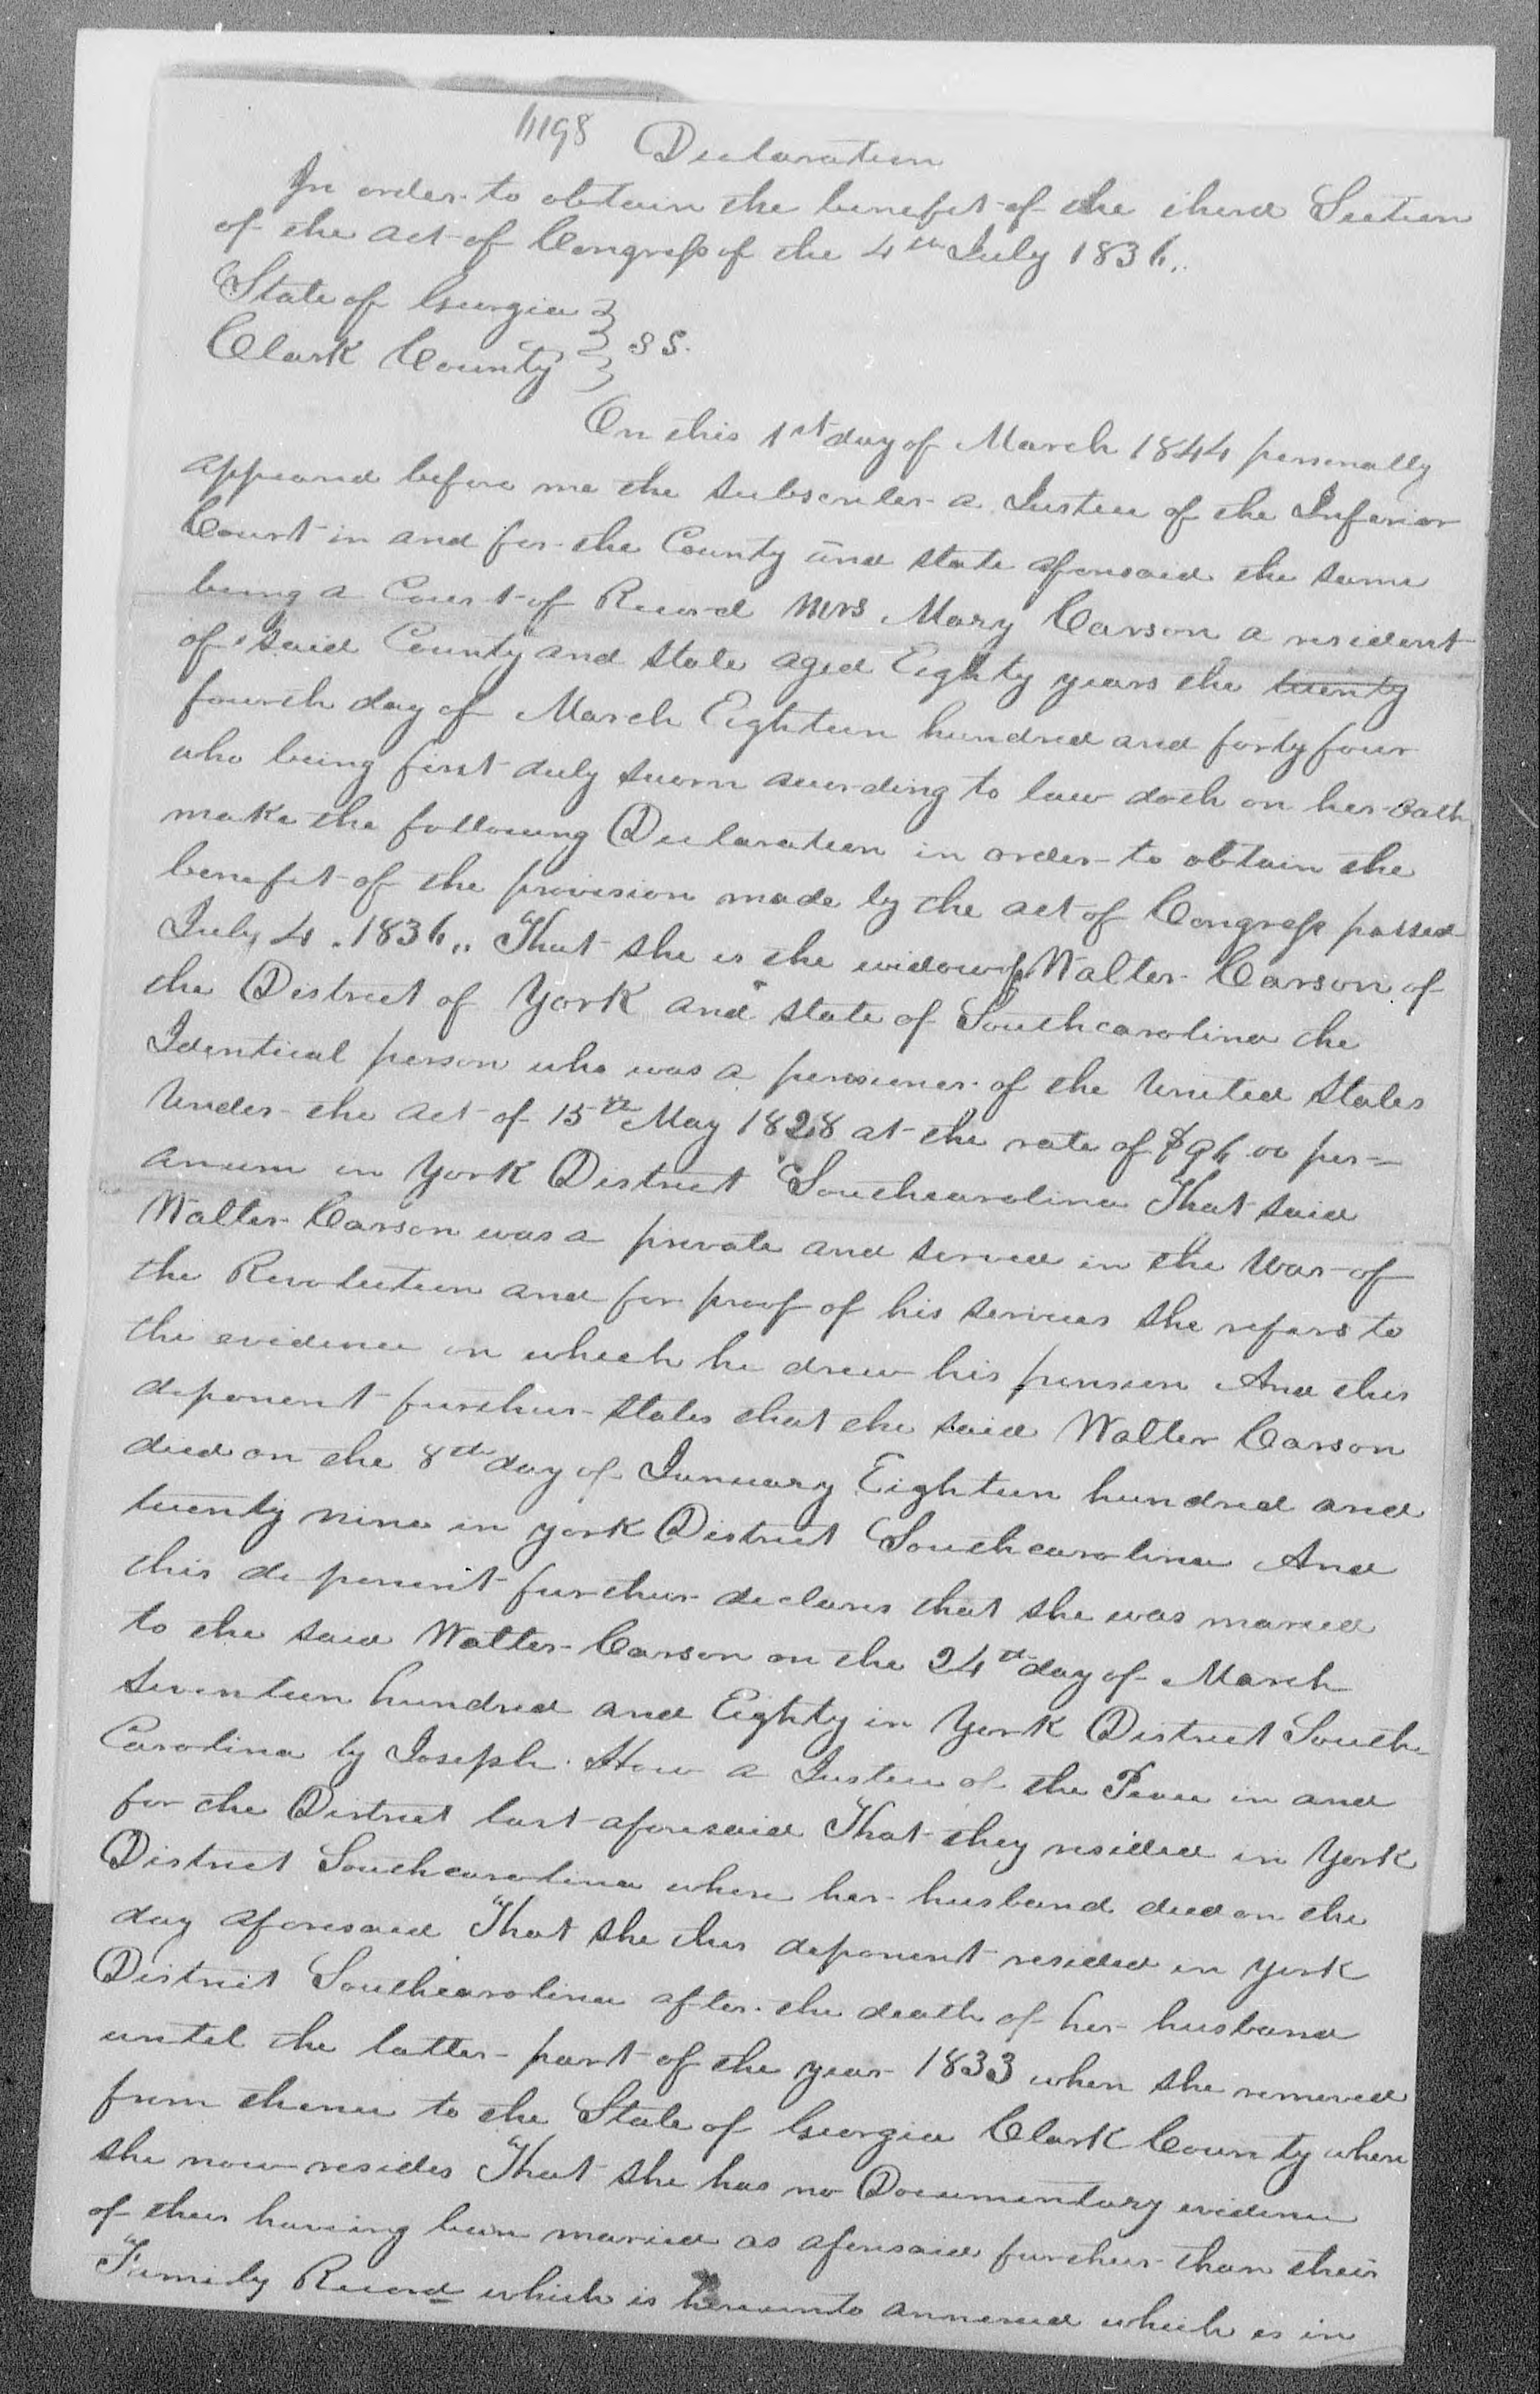1198 Declaration
In order to obtain the benefit of the third Section of the act of Congress of the 4th July 1836.
State of Georgia
Clark County  SS.
On this 1st day of March 1844 personally appeared before me the Subscriber - a Justice of the Inferior Court in and for the County and state aforesaid the same being a Court of Record Mrs. Mary Carson a resident of said County and State aged Eighty years the twenty fourth day of March Eighteen hundred and forty four who being first duly sworn according to law doth on her Oath make the following Declaration in order to obtain the benefit of the provision by the act of Congress passed July 4, 1836,, That she is the widow of Walter Carson of the District of York and state of South Carolina the Identical person who was a pensioner of the United States under the act of 15th May 1828 at the note of $96.00 per Annum in York District South Carolina That said Walter Carson was a private and served in the War of the Revolution and for proof of his services she refers to the evidence in which he drew his pension And this deponent further states that the said Walter Carson died on the 8th day of January Eighteen hundred and twenty nine in York District South Carolina And this deponent further declares that she was married to the said Walter Carson on the 24th day of March Seventeen hundred and Eighty in York District South Carolina by Joseph How a Justice of the Peace in and for the District last aforesaid That they resided in York District South Carolina where her husband died on the day aforesaid That she this deponent resided in York District South Carolina after the death of her husband until the latter part of the year 1833 when she removed from there to the State of Georgia Clark County where she now resides That she has no Documentary evidence of their having been married as aforesaid further than their Family Record which is hereunto annexed which is in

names: Walter Carson, Walter Carson, Joseph How, Mary Carson, Walter Carson, Walter Carson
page: 2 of 34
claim: rejected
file: R. 1,738, Walter Carson, N.C. S.C.